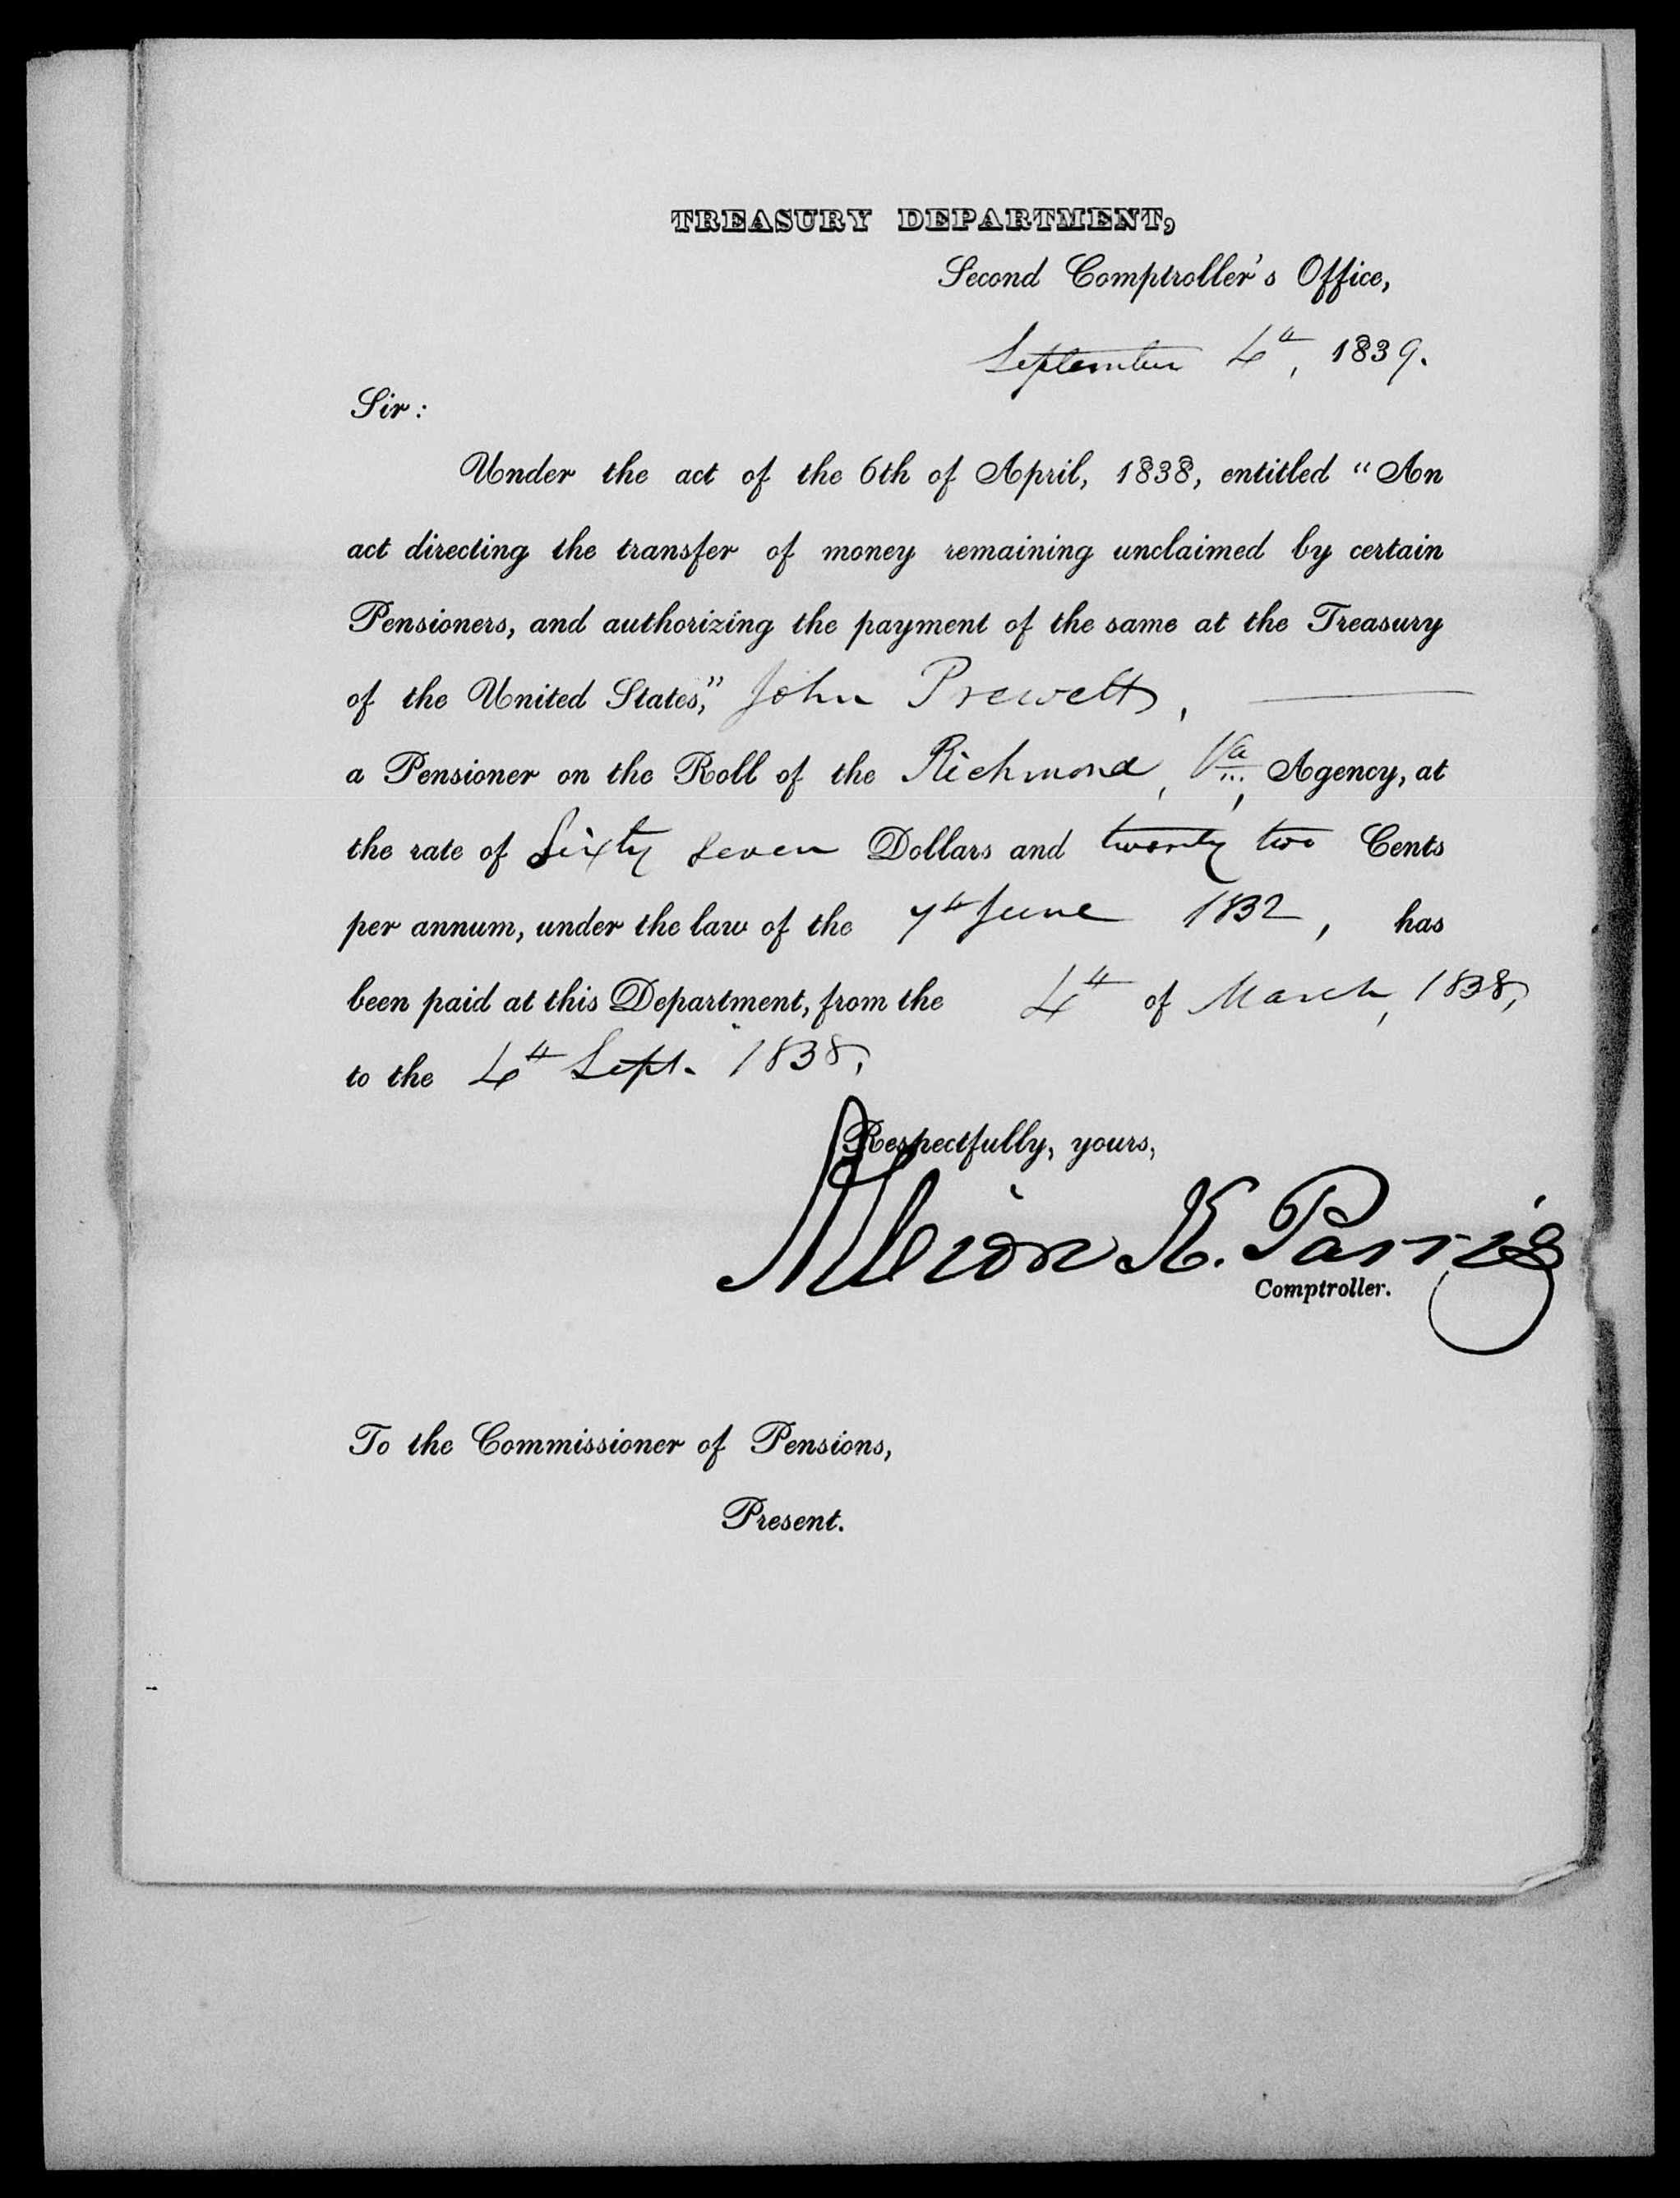TREASURY DEPARTMENT,
Second Comptroller's Office,
September 4th, 1839.

Sir:
Under the act of the 6th of April, 1838, entitled "An act directing the transfer of money remaining unclaimed by certain Pensioners, and authorizing the payment of the same at the Treasury of the United States," The widow of John Prewett, - a Pensioner on the Roll of the Richmond, Va. Agency, at the rate of Sixty Seven Dollars and twenty two Cents per annum, under the law of the 7th June 1832, has been paid at this Department, from the 4th of March, 1838, to the 4th Sept. 1838.

Respectfully yours,
Albion K. Parris
Comptroller.

To the Commissioner of Pensions,
Present.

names: Albion K Parris; John Prewett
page: 26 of 35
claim: survivor's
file: S. 30,665, for John Prewett, Virginia